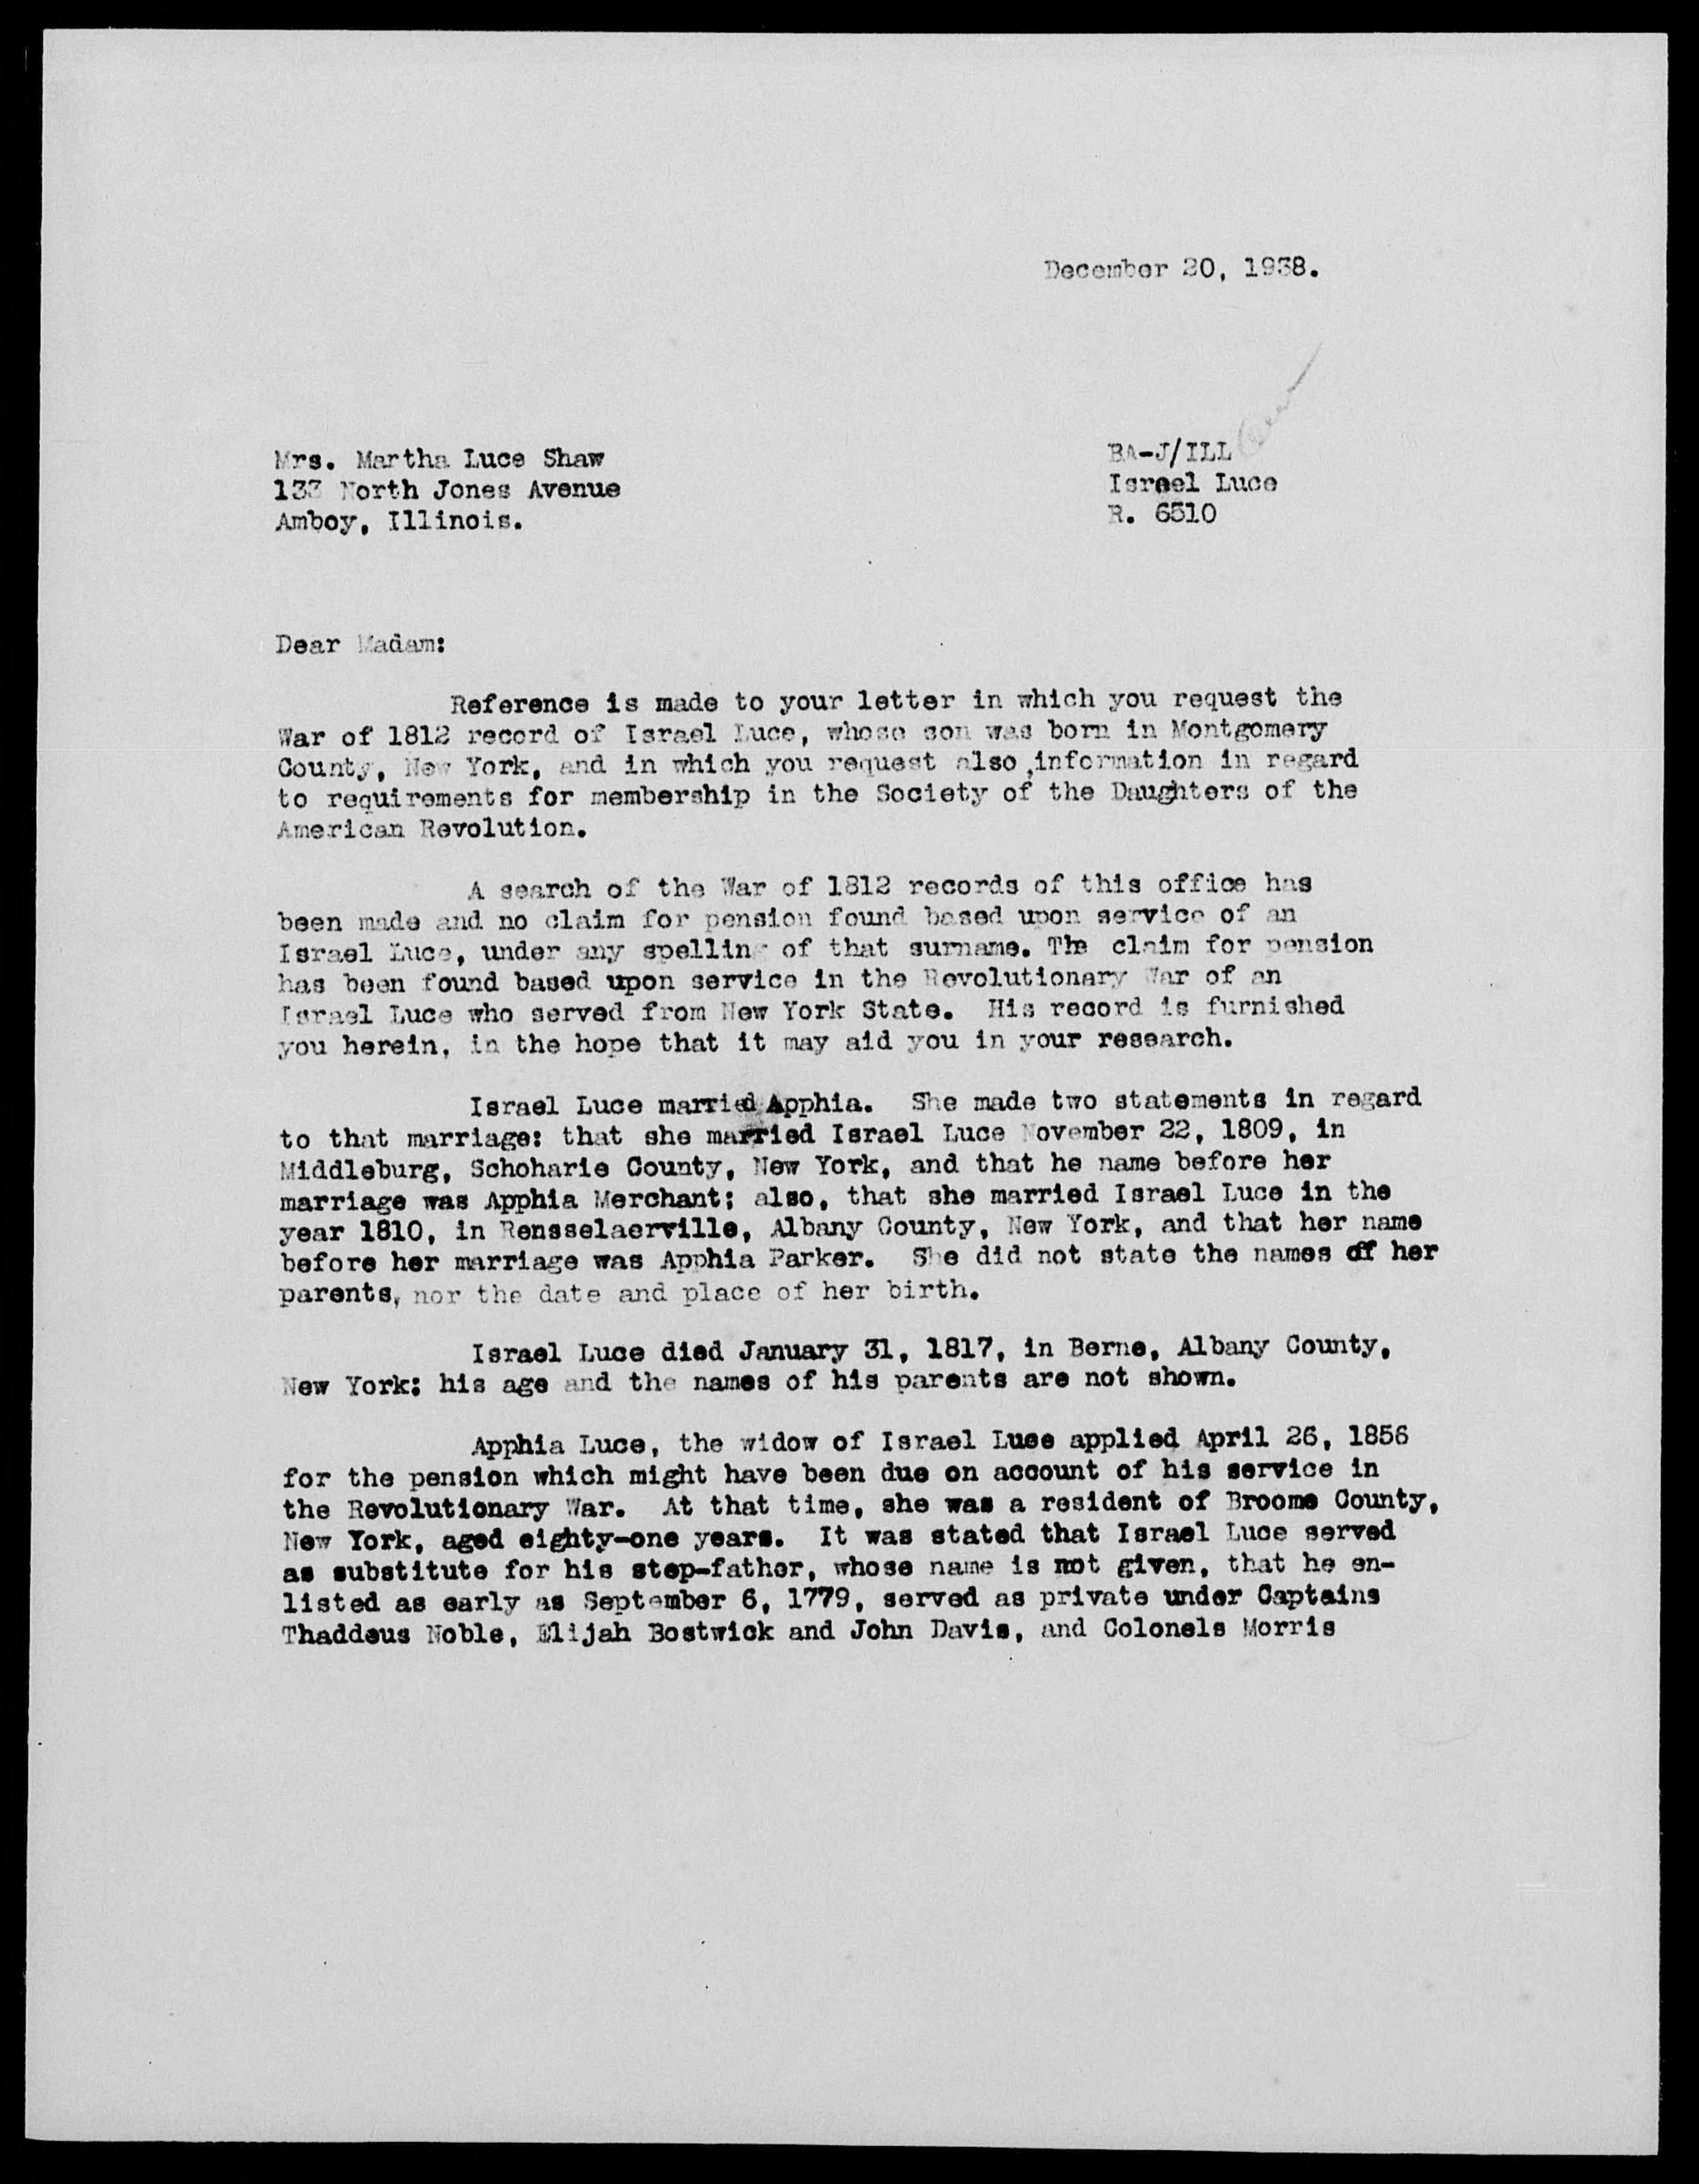December 30, 1938.

Mrs. Martha Luce Shaw
133 North Jones Avenue
Amboy, Illinois.

BA-J/ILL
Israel Luce
R. 6510

Dear Madam:

Reference is made to your letter in which you request the War of 1812 record of Israel Luce, whose son was born in Montgomery County, New York, and in which you request also, information in regard to requirements for membership in the Society of the Daughters of the American Revolution.

A search of the War of 1812 records of this office has been made and no claim for pension found based upon service of an Israel Luce, under any spelling of that surname.  The claim for pension has been found based upon service in the Revolutionary War of an Israel Luce who served from New York State.  His record is furnished you herein, in the hope that it may aid you in your research.

Israel Luce married Apphia.  She made two statements in regard to that marriage:  that she married Israel Luce November 22, 1809, in Middleburg, Schoharie County, New York, and that he name before her marriage was Apphia Merchant:  also, that she married Israel Luce in the year 1810, in Rensselaerville, Albany County, New York, and that her name before her marriage was Apphia Parker.  She did not state the names of her parents, nor the date and place of her birth.  

Israel Luce died January 31, 1817, in Berne, Albany County, New York:  his age and the names of his parents are not shown.

Apphia Luce, the widow of Israel Luce applied April 26, 1856 for the pension which might have been due on account of his service in the Revolutionary War.  At the time, she was a resident of Broome County, New York, aged eighty-one years.  It was stated that Israel Luce served as substitute for his step-father, whose name is not given, that he enlisted as early as September 6, 1779, served as private under Captains Thaddeus Nobel, Elijah Bostwick and John Davis, and Colonels Morris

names: Morris [BLANK]; Israel Luce; Elijah Bostwick; Apphia Merchant; Apphia Luce; Thaddeus Noble; John Davis; Apphia Parker; Martha Luce Shaw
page: 13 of 70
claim: rejected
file: R. 6510, for Israel Luce, New York